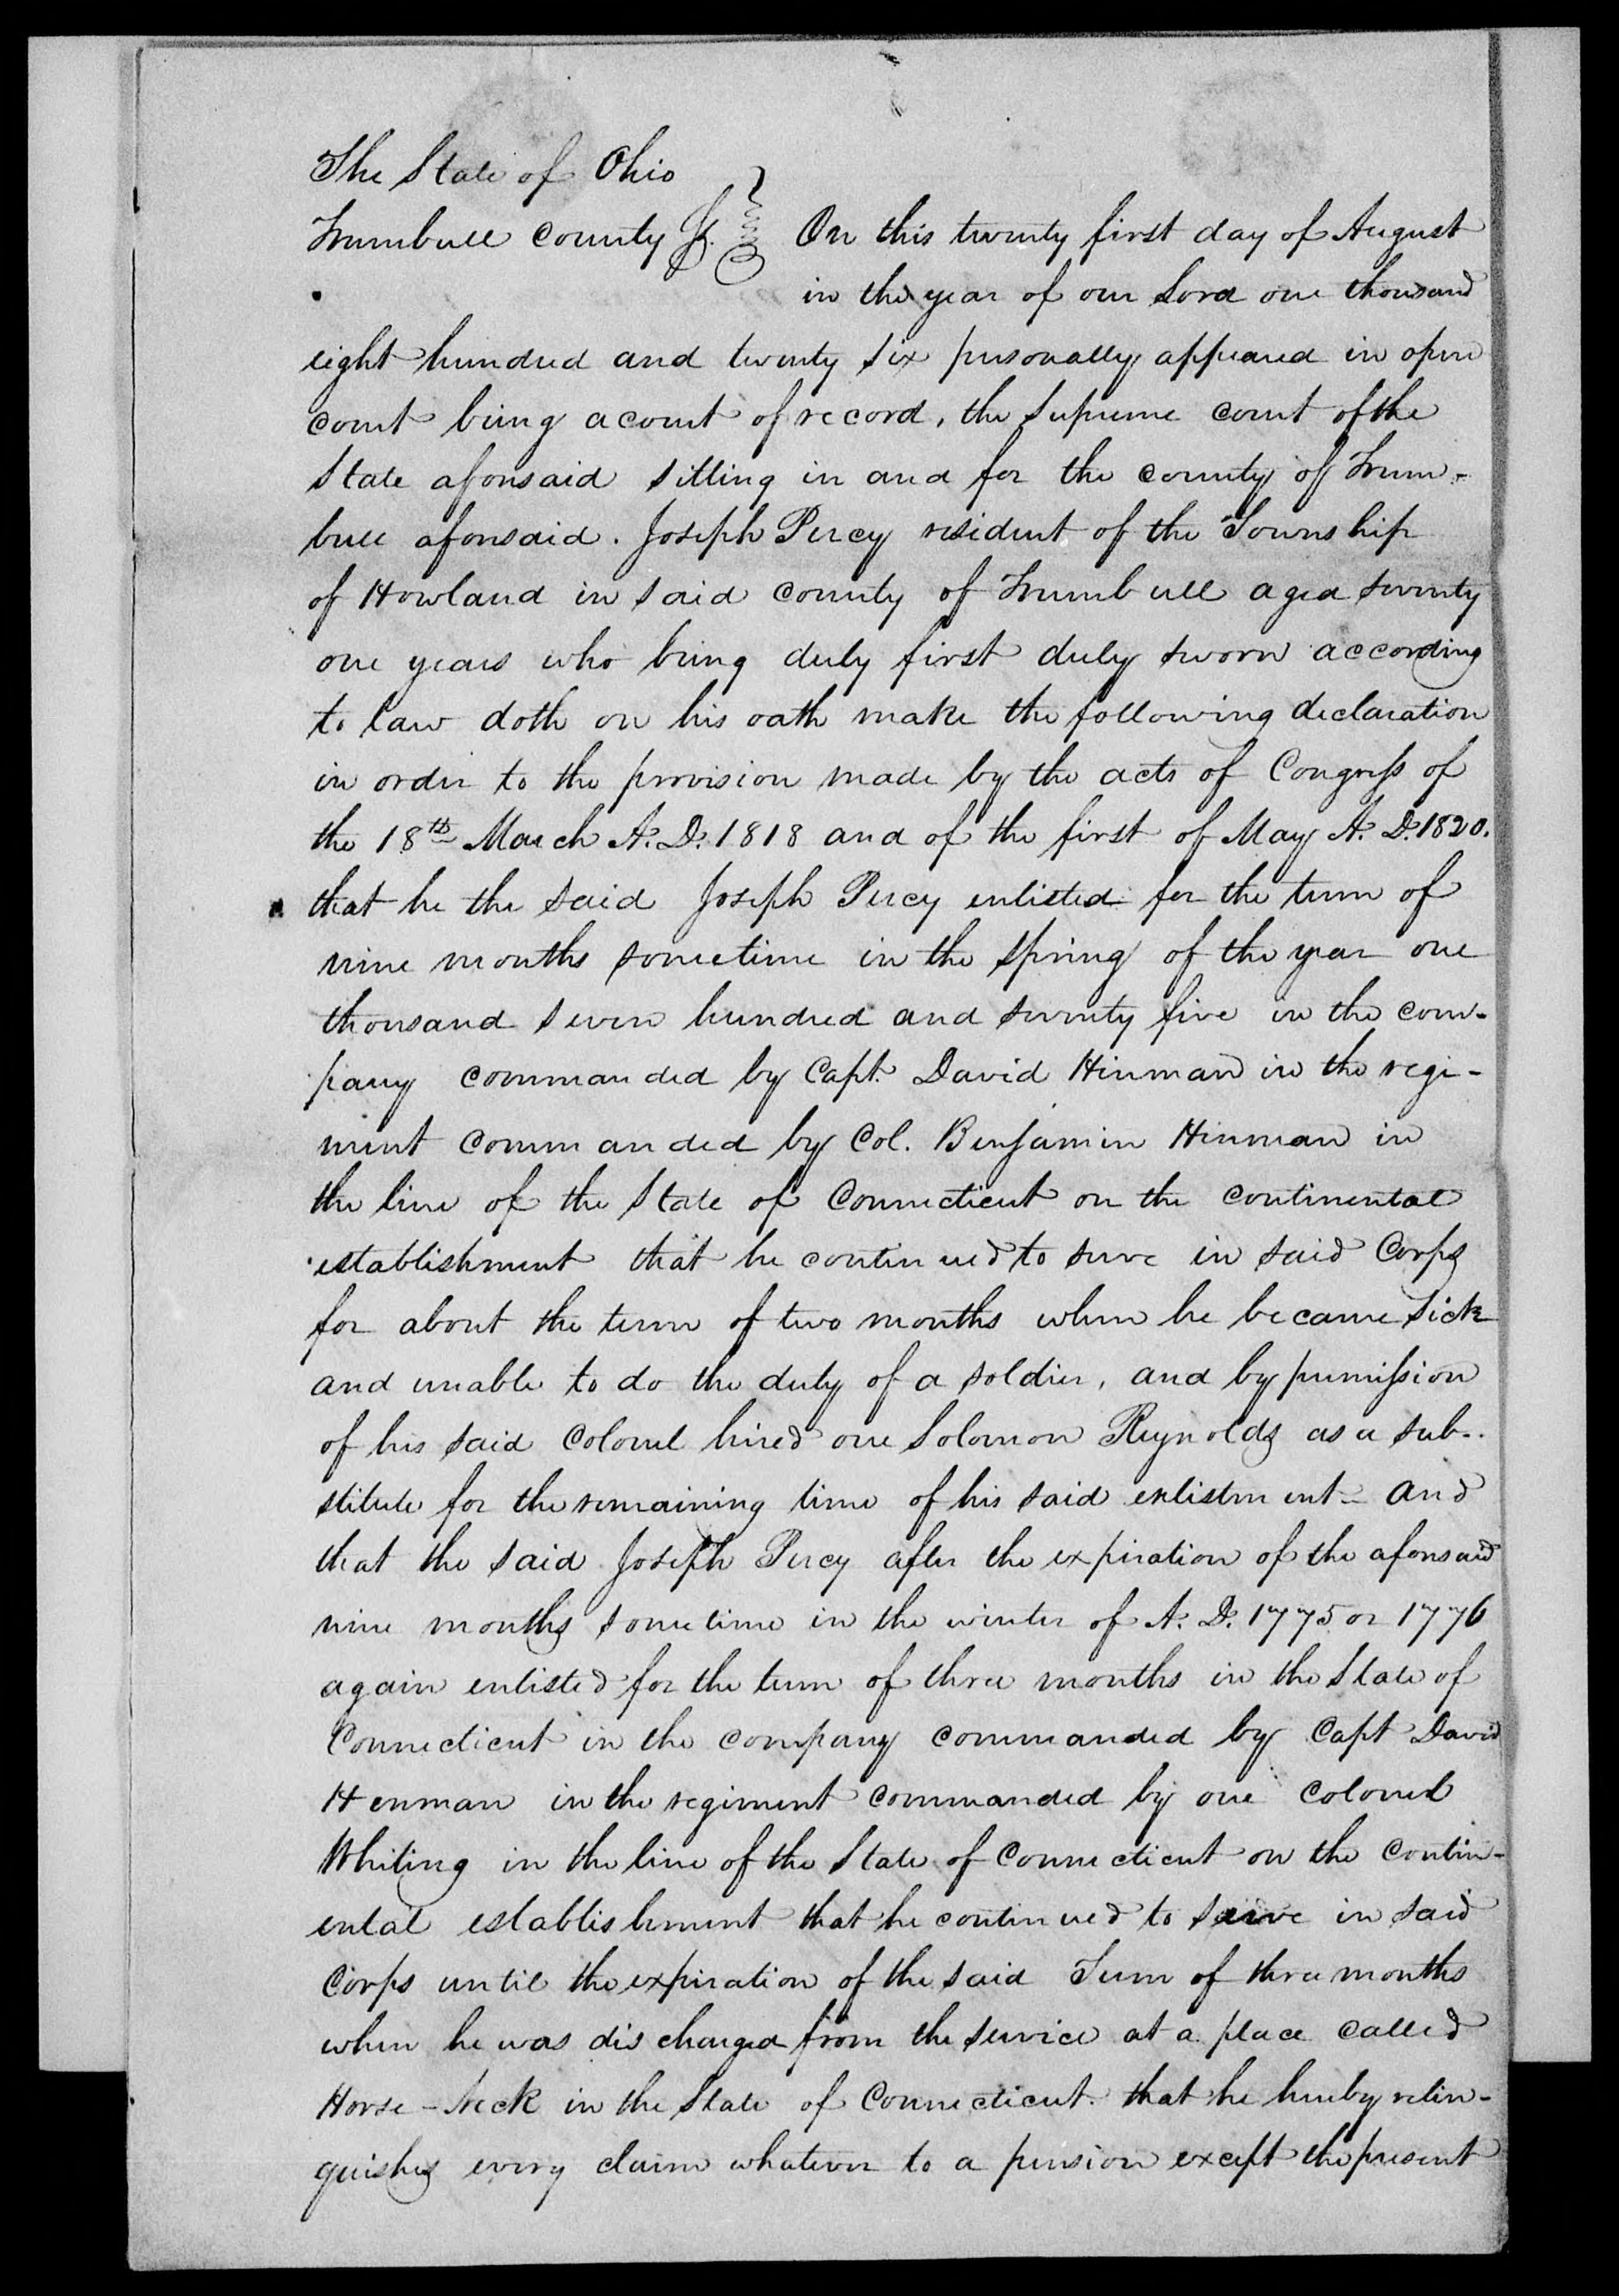The State of Ohio
Trumbull County (Illegible) On this twenty first day of August in this year of our Lord one thousand eight hundred and twenty six personally appeared in open court of record, the Supreme Court of the State aforsaid sitting in and for the county of Trumbull aforesaid. Joseph Percy resident of the township of Howland in said county of Trumbull aged seventy one who bring duly first duly sworn according to law doth on his oath make the  following declaration in order to the provision made by the Acts of Congress of the 18th March A.D. 1818 and the first of May A.D. 1820. that he then said Joseph Percy enlisted for the term of nine months sometime in the Spring of the year one thousand seven hundred and seventy time in the Cont. army commanded by Capt. David Hinman in the regiment commanded by Col. Benjamin Hinman in the line of the State of Connecticut on the continental establishment that he continued to serve in said company for about the term of two months when he became sick and unable to do the duty of a soldier. and by permission of his said Colonel hired one Solomon Reynolds as a substitute for the remaining time of his said enlistment and that the said Joseph Percy after the aforsaid nine months sometime in the winter of A.D. 1775 or 1776 again enlisted for the term of three months in the State of Connecticut in the company commanded by Capt David Hinman in the regiment commanded by one Colonel Whiting in the line of the State of Connecticut on the continental establishment that he continued to serve in said corps until the expiration of said term of three months when he was discharged from the service at a  place called horse-Neck in the State of Connecticut that he hereby relinquishes every claim whatever to a pension except the present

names: Joseph Percy; David Hinman; [BLANK] Whiting; Benjamin Hinman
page: 2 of 20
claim: rejected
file: R. 17029, for Joseph Percy, Connecticut